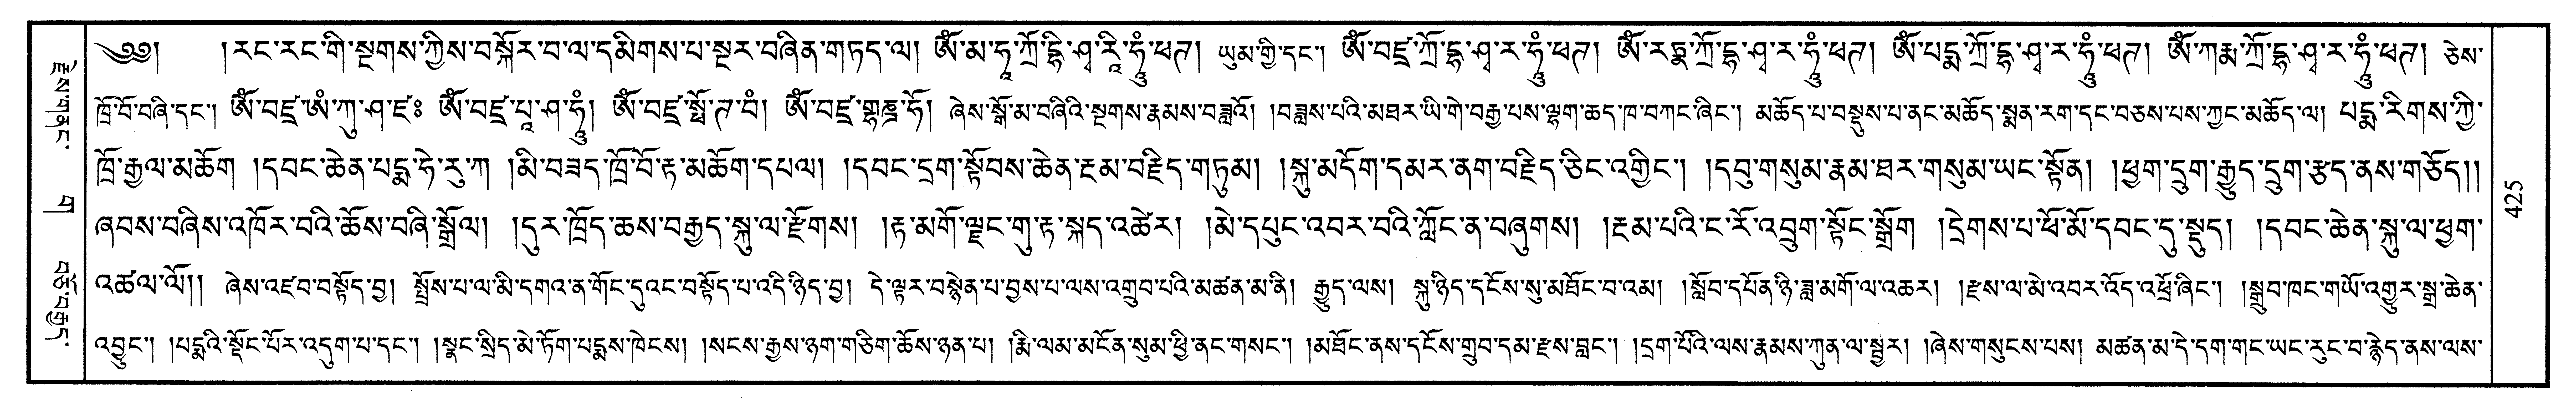༄༅། །རང་རང་གི་སྔགས་ཀྱིས་བསྐོར་བ་ལ་དམིགས་པ་སྔར་བཞིན་གཏད་ལ། ཨོཾ་མ་ཧཱ་ཀྲོ་དྷི་ཤྭ་རཱི་ཧཱུཾ་ཕཊ། ཡུམ་གྱི་དང་། ཨོཾ་བཛྲ་ཀྲོ་དྷ་ཤྭ་ར་ཧཱུཾ་ཕཊ། ཨོཾ་རཏྣ་ཀྲོ་དྷ་ཤྭ་ར་ཧཱུཾ་ཕཊ། ཨོཾ་པདམ་ཀྲོ་དྷ་ཤྭ་ར་ཧཱུཾ་ཕཊ། ཨོཾ་ཀརྨ་ཀྲོ་དྷ་ཤྭ་ར་ཧཱུཾ་ཕཊ། ཅེས་
ཁྲོ་བོ་བཞི་དང་། ཨོཾ་བཛྲ་ཨཾ་ཀུ་ཤ་ཛཿ ཨོཾ་བཛྲ་པཱ་ཤ་ཧཱུཾ། ཨོཾ་བཛྲ་སྥོ་ཊ་བཾ། ཨོཾ་བཛྲ་གྷཎྜ་ཧོ། ཞེས་སྒོ་མ་བཞིའི་སྔགས་རྣམས་བཟླའོ། །བཟླས་པའི་མཐར་ཡི་གེ་བརྒྱ་པས་ལྷག་ཆད་ཁ་བཀང་ཞིང་། མཆོད་པ་བསྡུས་པ་ནང་མཆོད་སྨན་རག་དང་བཅས་པས་ཀྱང་མཆོད་ལ། པདམ་རིགས་ཀྱི་
ཁྲོ་རྒྱལ་མཆོག །དབང་ཆེན་པདམ་ཧེ་རུ་ཀ །མི་བཟད་ཁྲོ་བོ་རྟ་མཆོག་དཔལ། །དབང་དྲག་སྟོབས་ཆེན་རྔམ་བརྗིད་གཏུམ། །སྐུ་མདོག་དམར་ནག་བརྗིད་ཅིང་འགྱིང་། །དབུ་གསུམ་རྣམ་ཐར་གསུམ་ཡང་སྟོན། །ཕྱག་དྲུག་རྒྱུད་དྲུག་རྩད་ནས་གཅོད།།
ཞབས་བཞིས་འཁོར་བའི་ཆོས་བཞི་སྒྲོལ། །དུར་ཁྲོད་ཆས་བརྒྱད་སྐུ་ལ་རྫོགས། །རྟ་མགོ་ལྗང་གུ་རྟ་སྐད་འཚེར། །མེ་དཔུང་འབར་བའི་ཀློང་ན་བཞུགས། །རྔམ་པའི་ང་རོ་འབྲུག་སྟོང་སྒྲོག །དྲེགས་པ་ཕོ་མོ་དབང་དུ་སྡུད། །དབང་ཆེན་སྐུ་ལ་ཕྱག་
འཚལ་ལོ།། ཞེས་འཛབ་བསྟོད་བྱ། སྤྲོས་པ་ལ་མི་དགའ་ན་གོང་དུའང་བསྟོད་པ་འདི་ཉིད་བྱ། དེ་ལྟར་བསྙེན་པ་བྱས་པ་ལས་འགྲུབ་པའི་མཚན་མ་ནི། རྒྱུད་ལས། སྐུ་ཉིད་དངོས་སུ་མཐོང་བ་འམ། །སློབ་དཔོན་ཉི་ཟླ་མགོ་ལ་འཆར། །རྫས་ལ་མེ་འབར་འོད་འཕྲོ་ཞིང་། །སྒྲུབ་ཁང་གཡོ་འགྱུར་སྒྲ་ཆེན་
འབྱུང་། །པདམའི་སྡོང་པོར་འདུག་པ་དང་། །སྣང་སྲིད་མེ་ཏོག་པདམས་ཁེངས། །སངས་རྒྱས་ཉག་གཅིག་ཆོས་ཉན་པ། །རྨི་ལམ་མངོན་སུམ་ཕྱི་ནང་གསང་། །མཐོང་ནས་དངོས་གྲུབ་དམ་རྫས་བླང་། །དྲག་པོའི་ལས་རྣམས་ཀུན་ལ་སྦྱར། །ཞེས་གསུངས་པས། མཚན་མ་དེ་དག་གང་ཡང་རུང་བ་རྙེད་ནས་ལས་